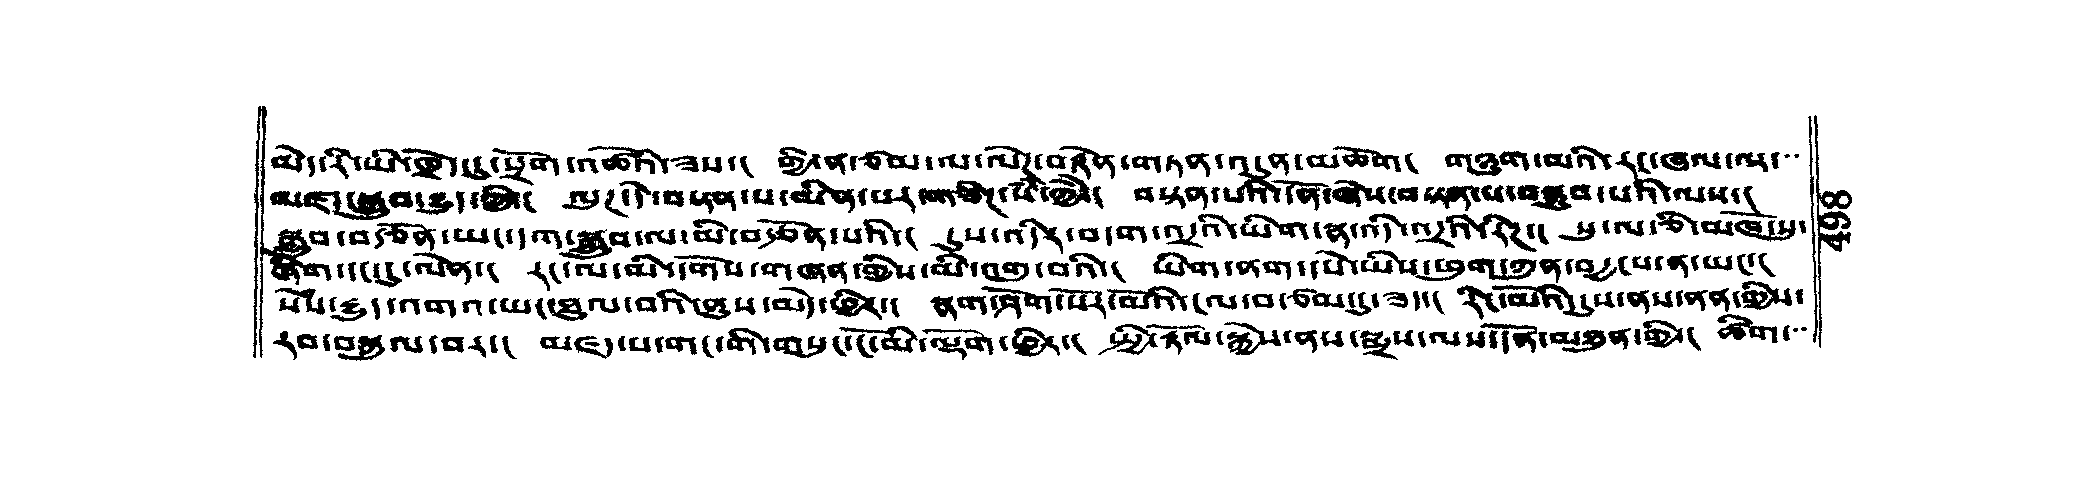མེད་རི་ཡི་ཁྲོད་དུ་སྲོག་འཚོའི་ཟས། །གྱི་ན་ཙམ་ལ་ལེགས་བརྟེན་གཏན་འདུན་མཆོག །གཉུག་མའི་རང་ཞལ་བལྟ་
མཛད་སྒྲུབ་རྒྱུད་ཀྱི། ལུགས་དེ་བསྟན་པ་མིན་པར་གཟིགས་སམ་ཀྱཻ། །བསྟན་པའི་དོན་ཞེས་བསྟན་པ་བསྣུབ་པའི་ལས། །
སྒྲུབ་བརྩོན་ཡང་དག་སྒྲུབ་ལ་མི་བརྩོན་པའི། །དུས་འདིར་བདག་འདྲའི་ཡིག་སྣ་འདི་འདྲའི་རིགས། །སུ་ལ་ཅི་མཁོ་སུ་
ཞིག་དང་དུ་ལེན། །རང་ལ་མི་དགོས་གཞན་གྱིས་མི་མགུ་བའི། །ཡིག་ནག་དཔེ་ཡིས་ཕུག་ཀུན་བརྒྱངས་ན་ཡང་། །
སེམས་རྒྱུད་འགའ་ཡང་ཐུལ་བའི་ནུས་མེད་ཕྱིར། །སྣག་ཤོག་སོར་མོའི་ངལ་བ་ཙམ་དུ་ཟད། །རིང་མོའི་དུས་ནས་ནན་གྱིས་
རབ་བསྐུལ་བར། །མཛད་པ་གང་གི་གསུང་ངོ་མི་ལྡོག་ཕྱིར། །སྤྱི་རྟོལ་སྐྱེས་ནས་སྨྲས་ལས་དོན་མཐུན་གྱི། །ཚིག་